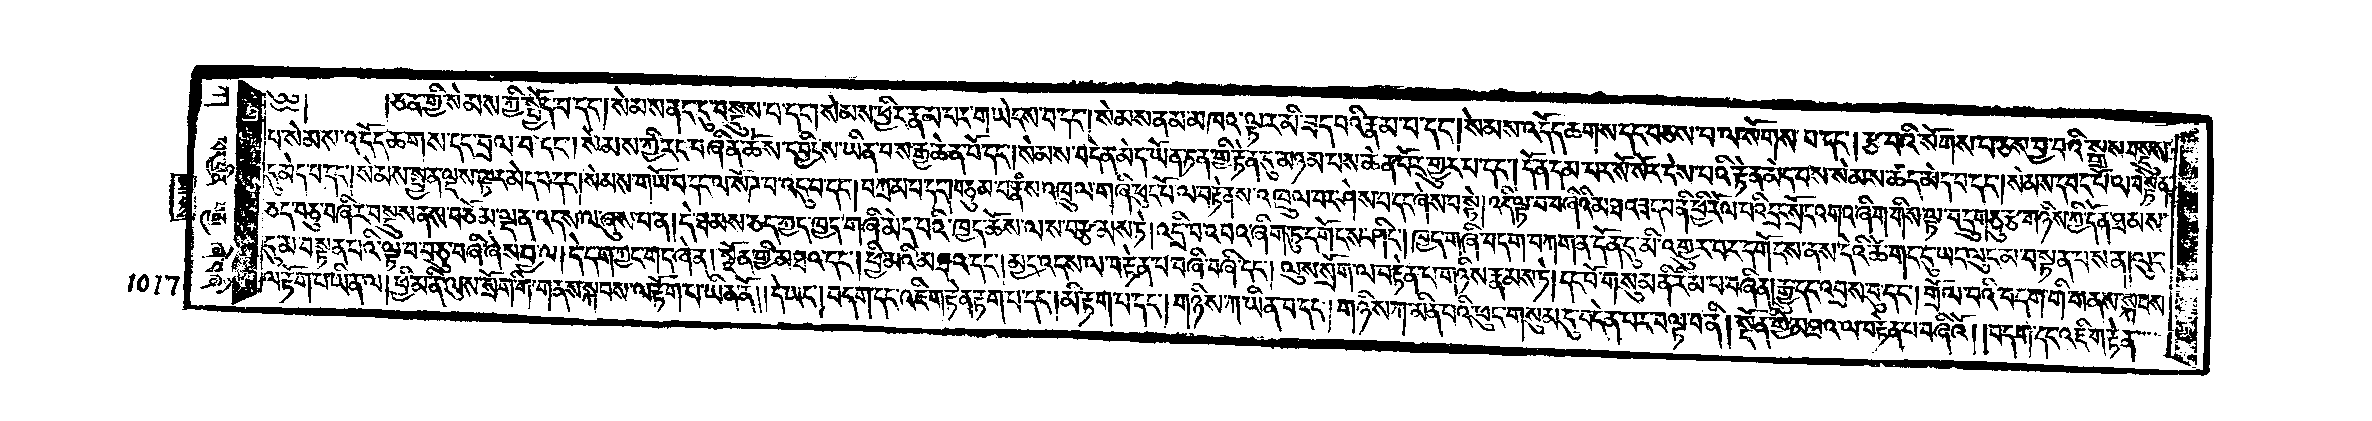༄༅། །ཅན་གྱི་སེམས་ཀྱི་སྤྱོད་པ་དང་། སེམས་ནང་དུ་བསྡུས་པ་དང་། སེམས་ཕྱིར་རྣམ་པར་གཡེངས་བ་དང་། སེམས་ནམ་མཁའ་ལྟར་མི་ཟད་པའི་རྣམ་པ་དང་། སེམས་འདོད་ཆགས་དང་བཅས་པ་ལ་སོགས་པ་དང་། རྩ་བའི་སོགས་པ་ཅེས་བྱ་བའི་སྒྲས་བསྡུས་
པ་སེམས་འདོད་ཆགས་དང་བྲལ་བ་དང་། སེམས་ཀྱི་རང་བཞིན་ཆོས་དབྱིངས་ཡིན་པས་རྒྱ་ཆེན་པོ་དང་། སེམས་བདེན་མེད་ཡོན་ཏན་གྱི་རྟེན་དུ་མཉམ་པས་ཆེན་པོར་གྱུར་པ་དང་། དོན་དམ་པར་སོ་སོར་ངེས་པའི་རྟེན་མེད་པས་སེམས་ཚད་མེད་པ་དང་། སེམས་དབང་པོ་ལ་བསྟེན་
དུ་མེད་པ་དང་། སེམས་སྤྱན་ལྔས་ལྟར་མེད་པ་དང་། སེམས་གཡོ་བ་དང་ལ་སོགས་པ་འདུ་བ་དང་། བཀྲམ་པ་དང་། བཅུམ་པ་རྣམས་འཁྲུལ་གཞི་ཕུང་པོ་ལ་བརྟེན་ནས་འཁྲུལ་པར་ཤེས་པ་དང་ཞེས་པ་སྟེ། འདི་ལྟ་བ་བཞིའི་མཐའ་ཟད་པ་ནི་ཕྱི་རོལ་པའི་དྲང་སྲོང་འགའ་ཞིག་གིས་ལྟ་བ་དྲུག་ཅུ་རྩ་གཉིས་ཀྱི་དོན་ཐམས་
ཅད་བཅུ་བཞིར་བསྡུས་ནས་བཅོམ་ལྡན་འདས་ལ་ཞུས་པ་ན། དེ་ཐམས་ཅད་ཀྱང་ཁྱད་གཞི་མེད་པའི་ཁྱད་ཆོས་ལས་བརྩམས་ཏེ། འདྲི་བ་འབའ་ཞིག་ཏུ་དགོངས་ཤིང་། ཁྱད་གཞི་བདག་བཀག་ན་དོན་དུ་མི་འགྱུར་བར་དགོངས་ནས་དེའི་ཚེ་གང་དུ་ཡང་ལུང་མ་བསྟན་པས་ན། ལུང་
དུ་མ་བསྟན་པའི་ལྟ་བ་བཅུ་བཞི་ཞེས་བྱ་ལ། དེ་དག་ཀྱང་གང་ཞེ་ན། སྔོན་གྱི་མཐའ་དང་། ཕྱི་མའི་མཐའ་དང་། མྱང་འདས་ལ་བརྟེན་པ་བཞི་བཞི་དང་། ལུས་སྲོག་ལ་བརྟེན་པ་གཉིས་རྣམས་ཏེ། དང་པོ་གསུམ་ནི་རིམ་པ་བཞིན། རྒྱུ་དང་འབྲས་བུ་དང་། གྲོལ་བའི་བདག་གི་གནས་སྐབས་
ལ་རྟོག་པ་ཡིན་ལ། ཕྱི་མ་ནི་ལུས་སྲོག་གི་གནས་སྐབས་ལ་རྟོག་པ་ཡིན་ནོ། །དེ་ཡང་། བདག་དང་འཇིག་རྟེན་རྟག་པ་དང་། མི་རྟག་པ་དང་། གཉིས་ཀ་ཡིན་པ་དང་། གཉིས་ཀ་མིན་པའི་ཕུང་གསུམ་དུ་བདེན་པར་བལྟ་བ་ནི། སྔོན་གྱི་མཐའ་ལ་བརྟེན་པ་བཞིའོ། །བདག་དང་འཇིག་རྟེན་